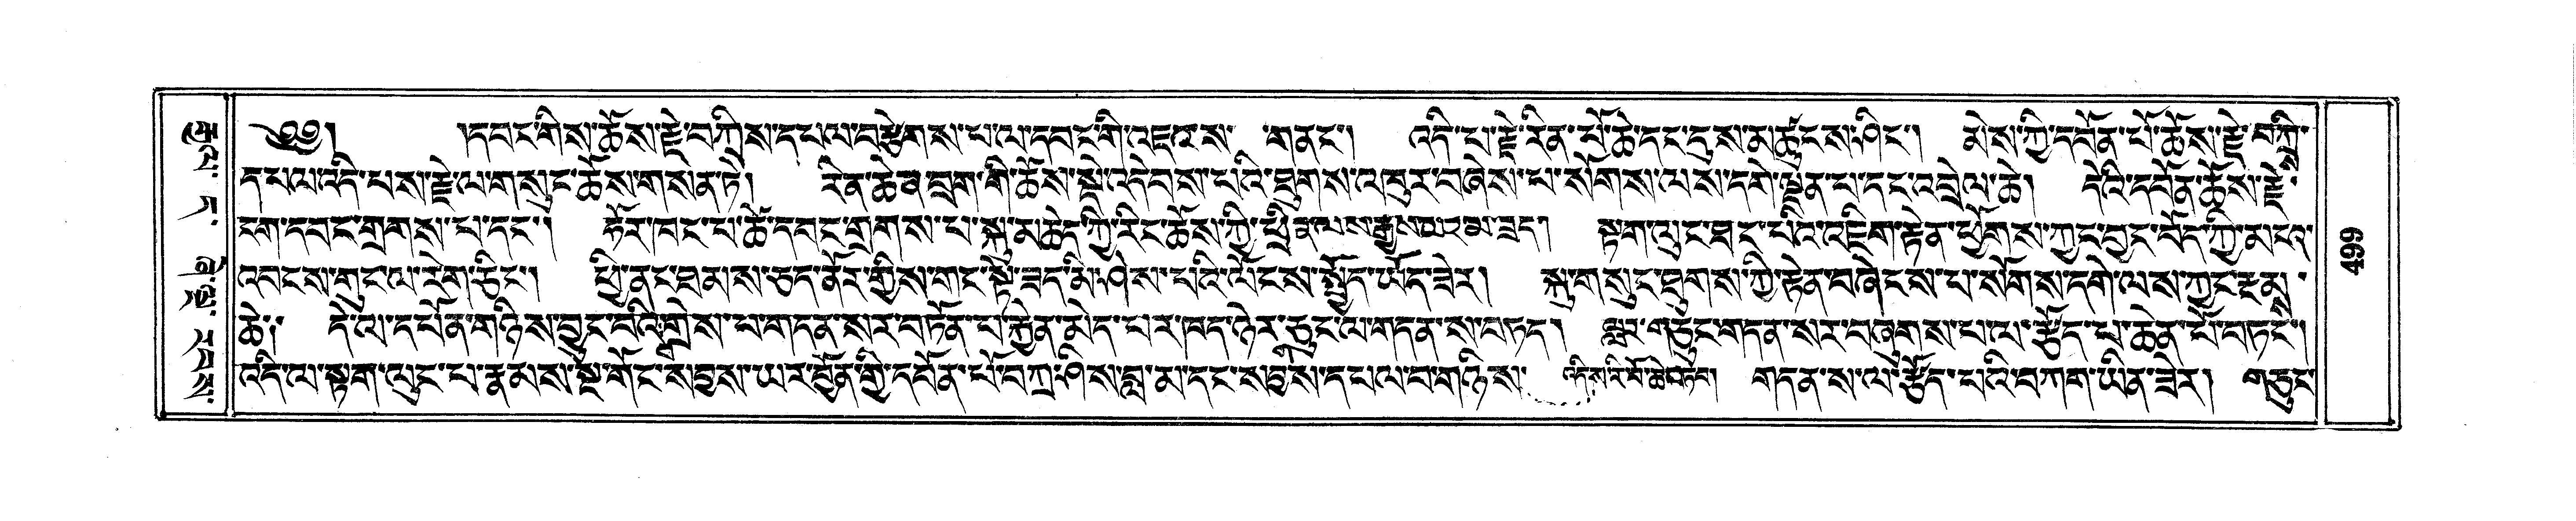༄༅། །དབང་གིས་ཆོས་རྗེ་བཀྲིས་དཔལ་བརྩེགས་པ་ལ་དབང་གི་འཇའ་ས་གནང་། འདི་པ་རྗེ་རིན་པོ་ཆེ་དང་དུས་མཚུངས་ཤིང་། མེས་ཀྱི་དབོན་པོ་ཆོས་རྗེ་བཀྲིས་
དཔལ་འདི་པས་རྗེ་ལ་གསུང་ཆོས་གསན་ཏེ། རིན་ཆེན་བྲག་གི་ཆོས་སྡེ་འདེབས་པའི་ཐུགས་འཁུར་བཞེས་པ་སོགས་ལས་དགེ་ལྡན་པ་དང་འབྲེལ་ཆེ། དེའི་དབོན་ཆོས་རྗེ་
ངག་དབང་གྲགས་པ་དང་། ཧོར་ཁང་པ་ཚེ་དབང་གྲགས་པ་སྐུ་མཆེད་ཀྱི་རིང་ཆོས་ཀྱི་ཕྲིན་ལས་རྒྱས་ཡར་མ་ཟད། སྟག་ལུང་ཐང་པའི་འཇིག་རྟེན་ཕྱོགས་ཀྱང་བྱང་བོད་ཀྱི་མངའ་
འབངས་གུང་ལ་རེག་ཅིང་། ཕྱི་ནང་ཐམས་ཅད་ནོར་གྱིས་གང་སྟེ་ཟད་མི་ཤེས་པའི་ལོངས་སྤྱོད་ཡོད་ཟེར། སྐུ་གསུང་ཐུགས་ཀྱི་རྟེན་བཞེངས་པ་སོགས་དགེ་ལས་ཀྱང་རྔམས་
ཆེ༑ དེ་ལ་དཔོན་གཉིས་བྱུང་བའི་གྲེས་པ་གདན་སར་བཏོན་པ་རྐྱེན་མེད་པར་ཁད་ཉེར་ཅུང་ལ་གདན་ས་བཏད། ལླར་གཅུང་གདན་སར་བཞུགས་པ་ལ་རྩོད་པ་ཆེན་པོ་བཏང་།
འདི་ལ་སྟག་ལུང་པ་རྣམས་སྔ་གོང་ས་བྱས་ཡར་བྱོན་གྱི་དབོན་པོ་བཀྲ་ཤིས་བླ་མ་དང་ས་བྱི་ས་དཔལ་བ་གཉིས་འདིས་རི་བོ་ཆེ་བཏབ།  གདན་ས་ལ་རྩོད་པའི་བཀག་ཡིན་ཟེར། གཅུང་